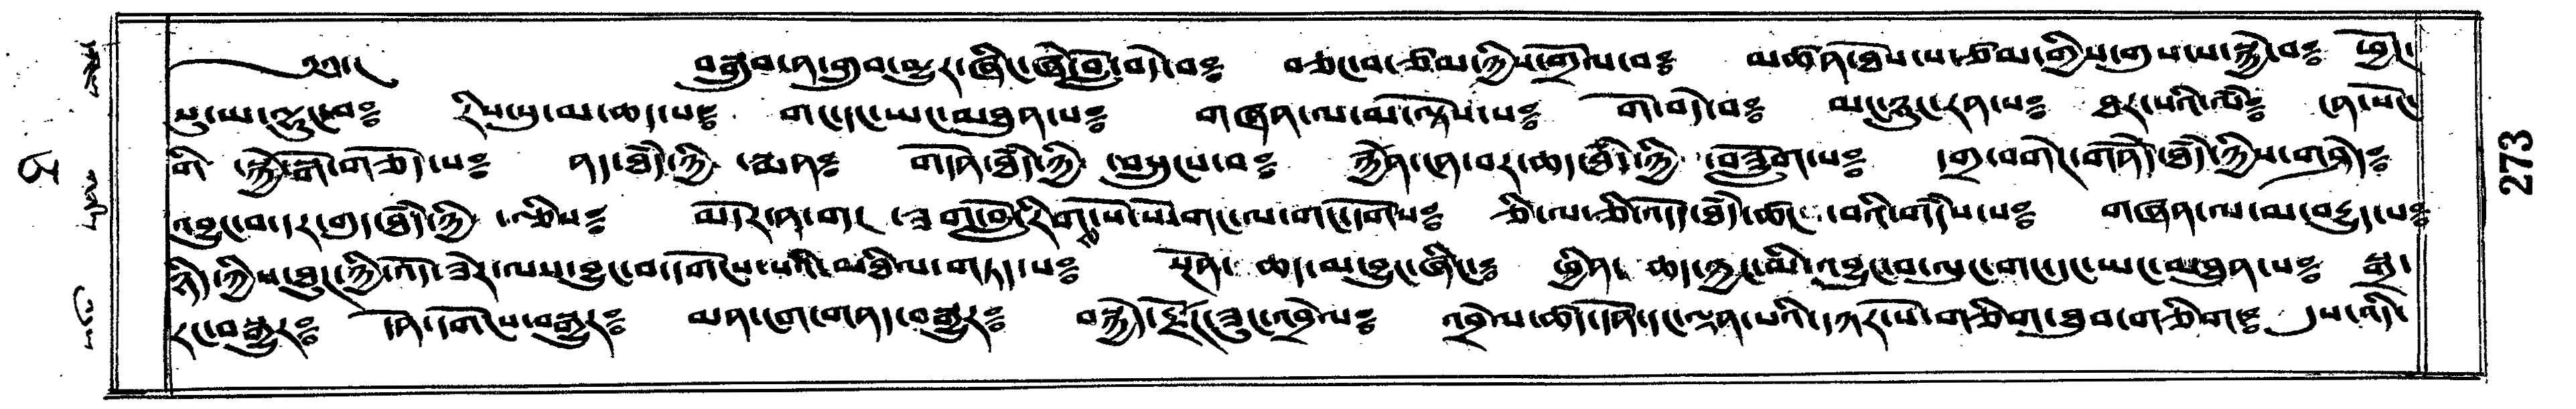༄༅། བསྒྲུབས་ན་འགྲུབ་མྱུར་ཞིང་ཞེ་བློ་བདེ་བ༔ བཅངས་བ་ཙམ་ཀྱིས་གྲོལ་བ༔ མཚན་ཐོས་པ་ཙམ་གྱིས་གུས་པ་སྐྱེ་བ༔ ཕྱོགས་
སུ་མ་ལྷུང་བ༔ རིས་སུ་མ་ཆད་པ༔ གང་དང་ཡང་མཐུན་པ༔ གཞན་ལ་མ་ལྟོས་པ༔ གོ་བདེ་བ༔ མང་ཉུང་རན་པ༔ ཐར་པའི་ལམ༔ ངན་སོང་
གི་སྐྱེ་སྒོ་གཅོད་པ༔ ནད་ཐམས་ཅད་ཀྱི་སྨན༔ གདོན་ཐམས་ཅད་ཀྱི་སྲུང་བ༔ རྐྱེན་ངན་བར་ཆད་ཐམས་ཅད་ཀྱི་བཟློག་པ༔ དགྲ་བགེགས་གནོད་བྱེད་རྣམས་ཐམས་ཅད་ཀྱི་གཤེད༔ 
འབྱུང་བ་དར་གུད་ཐམས་ཅད་ཀྱི་རྩིས༔ མདོར་ན་གང་ཟག་བློ་རིགས་སོ་སོར་གང་ལ་གང་དགོས༔ ཅི་ལ་ཅི་འདོད་ཐམས་ཅད་ཚང་བའི་གདམས་པ༔ གཞན་ལ་མ་བརྒྱུད་པ༔ 
ཉིད་ཀྱི་ཐུགས་ཀྱི་འོད་ཟེར་ལས་བྱུང་བ༔ དགོངས་པའི་མཐིལ་གཏད་པ༔ སྔོན་ཆད་མ་བྱུང་ཞིང༔ ཕྱིན་ཆད་ཀྱང་མི་འབྱུང་བ་ལུང་གང་དང་ཡང་མཐུན་པ༔ སྒྲ་
རང་བསྒྱུར༔ དོན་དགོངས་བསྒྱུར༔ མན་ངག་གནད་བསྒྱུར༔ བསྐྱེད་རྫོགས་ཟུང་འབྲེལ༔ འབྲེལ་ཚད་དོན་དང་ལྡན་པའི་དཀར་པོ་གཅིག་ཐུབ་གཅིག༔ དུས་འདི་